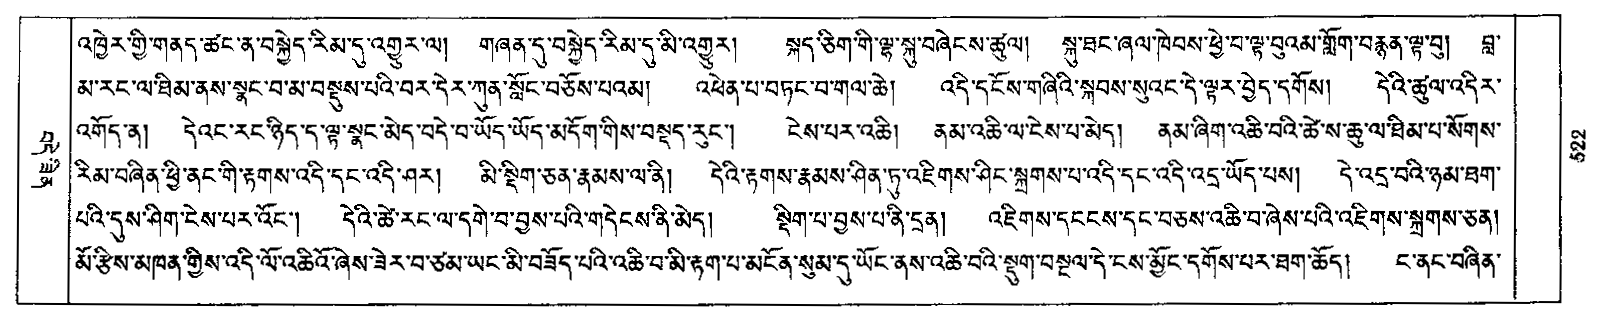འཁྱེར་གྱི་གནད་ཚང་ན་བསྐྱེད་རིམ་དུ་འགྱུར་ལ། གཞན་དུ་བསྐྱེད་རིམ་དུ་མི་འགྱུར། སྐད་ཅིག་གི་ལྷ་སྐུ་བཞེངས་ཚུལ། སྐུ་ཐང་ཞལ་ཁེབས་ཕྱེ་བ་ལྟ་བུའམ་གློག་བརྙན་ལྟ་བུ། བླ་
མ་རང་ལ་ཐིམ་ནས་སྣང་བ་མ་བསྡུས་པའི་བར་དེར་ཀུན་སློང་བཅོས་པའམ། འཕེན་པ་བཏང་བ་གལ་ཆེ། འདི་དངོས་གཞིའི་སྐབས་སུའང་དེ་ལྟར་བྱེད་དགོས། དེའི་ཚུལ་འདིར་
འགོད་ན། དེའང་རང་ཉིད་ད་ལྟ་སྣང་མེད་བདེ་བ་ཡོད་ཡོད་མདོག་གིས་བསྡད་རུང་། ངེས་པར་འཆི། ནམ་འཆི་ལ་ངེས་པ་མེད། ནམ་ཞིག་འཆི་བའི་ཚེ་ས་ཆུ་ལ་ཐིམ་པ་སོགས་
རིམ་བཞིན་ཕྱི་ནང་གི་རྟགས་འདི་དང་འདི་ཤར། མི་སྡིག་ཅན་རྣམས་ལ་ནི། དེའི་རྟགས་རྣམས་ཤིན་ཏུ་འཇིགས་ཤིང་སྐྲགས་པ་འདི་དང་འདི་འདྲ་ཡོད་པས། དེ་འདྲ་བའི་ཉམ་ཐག་
པའི་དུས་ཤིག་ངེས་པར་འོང་། དེའི་ཚེ་རང་ལ་དགེ་བ་བྱས་པའི་གདེངས་ནི་མེད། སྡིག་པ་བྱས་པ་ནི་དྲན། འཇིགས་དངངས་དང་བཅས་འཆི་བ་ཞེས་པའི་འཇིགས་སྐྲགས་ཅན།
མོ་རྩིས་མཁན་གྱིས་འདི་ལོ་འཆིའོ་ཞེས་ཟེར་བ་ཙམ་ཡང་མི་བཟོད་པའི་འཆི་བ་མི་རྟག་པ་མངོན་སུམ་དུ་ཡོང་ནས་འཆི་བའི་སྡུག་བསྔལ་དེ་ངས་མྱོང་དགོས་པར་ཐག་ཆོད། ང་ནང་བཞིན་